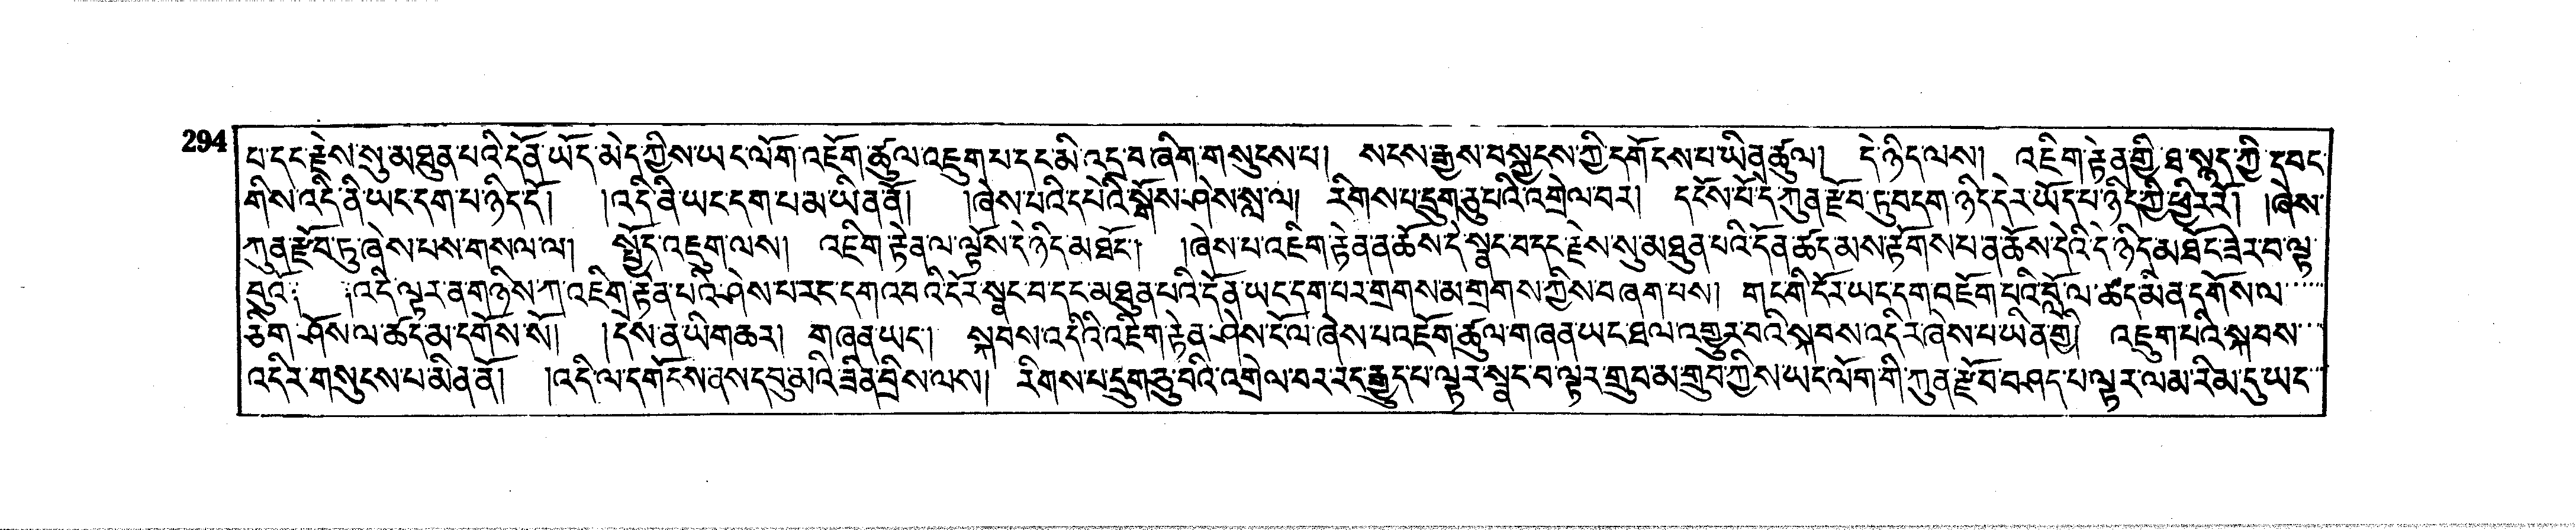པ་དང་རྗེས་སུ་མཐུན་པའི་དོན་ཡོད་མེད་ཀྱིས་ཡང་ལོག་འཇོག་ཚུལ་འཇུག་པ་དང་མི་འདྲ་བ་ཞིག་གསུངས་པ། སངས་རྒྱས་བསྐྱངས་ཀྱི་དགོངས་པ་ཡིན་ཚུལ། དེ་ཉིད་ལས། འཇིག་རྟེན་གྱི་ཐ་སྙད་ཀྱི་དབང་
གིས་འདི་ནི་ཡང་དག་པ་ཉིད་དོ། །འདི་ནི་ཡང་དག་པ་མ་ཡིན་ནོ། །ཞེས་པའི་དཔེའི་སྒོས་ཤེས་སླ་ལ། རིགས་པ་དྲུག་ཅུ་པའི་འགྲེལ་བར། དངོས་པོ་དེ་ཀུན་རྫོབ་ཏུ་བདག་ཉིད་དེར་ཡོད་པ་ཉིད་ཀྱི་ཕྱིར་རོ། །ཞེས་
ཀུན་རྫོབ་ཏུ་ཞེས་པས་གསལ་ལ། སྤྱོད་འཇུག་ལས། འཇིག་རྟེན་ལ་ལྟོས་དེ་ཉིད་མཐོང་། །ཞེས་པ་འཇིག་རྟེན་ན་ཆོས་དེ་སྣང་བ་དང་རྗེས་སུ་མཐུན་པའི་དོན་ཚད་མས་རྟོགས་པ་ན་ཆོས་དེའི་དེ་ཉིད་མཐོང་ཟེར་བ་ལྟ་
བུའོ། །འདི་ལྟར་ན་གཉིས་ཀ་འཇིག་རྟེན་པའི་ཤེས་པ་རང་དགའ་བའི་ངོར་སྣང་བ་དང་མཐུན་པའི་དོན་ཡང་དག་པར་གྲགས་མ་གྲགས་ཀྱིས་བཞག་པས། གང་གི་ངོར་ཡང་དག་འཇོག་པའི་བློ་ལ་ཚད་མིན་དགོས་ལ་
ཅིག་ཤོས་ལ་ཚད་མ་དགོས་སོ། །དེས་ན་ཡིག་ཆར། གཞན་ཡང་། སྐབས་འདིའི་འཇིག་རྟེན་ཤེས་ངོ་ལ་ཞེས་པ་འཇོག་ཚུལ་གཞན་ཡང་ཐལ་འགྱུར་བའི་སྐབས་འདིར་ཞེས་པ་ཡིན་གྱི། འཇུག་པའི་སྐབས་
འདིར་གསུངས་པ་མིན་ནོ། །འདི་ལ་དགོངས་ནས་དབུ་མའི་ཟིན་བྲིས་ལས། རིགས་པ་དྲུག་ཅུ་བའི་འགྲེལ་བར་རང་རྒྱུད་པ་ལྟར་སྣང་བ་ལྟར་གྲུབ་མ་གྲུབ་ཀྱིས་ཡང་ལོག་གི་ཀུན་རྫོབ་བཤད་པ་ལྟར་ལམ་རིམ་དུ་ཡང་